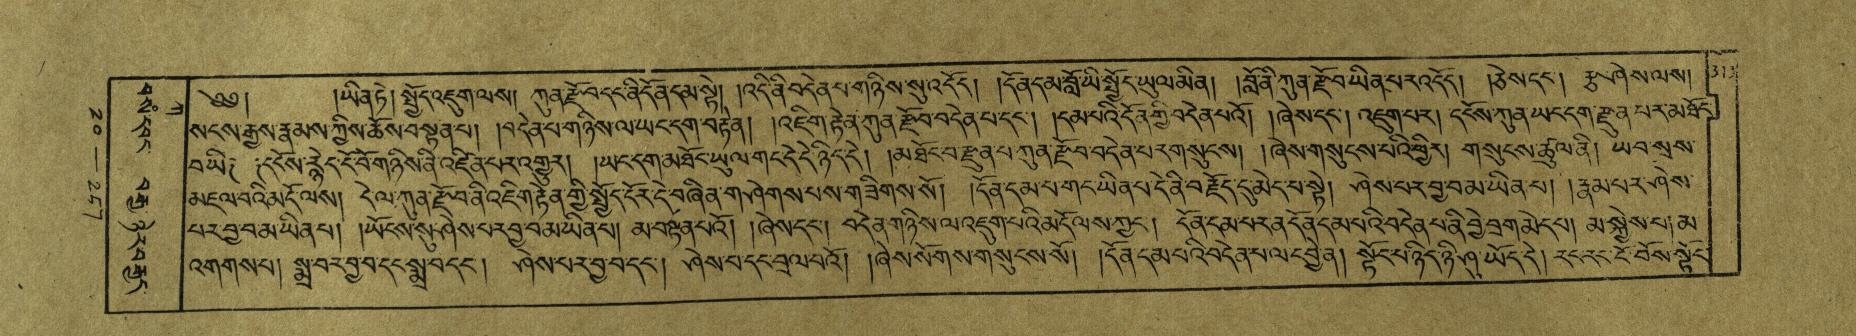༄༅། །ཡིན་ཏེ། སྤྱོད་འཇུག་ལས། ཀུན་རྫོབ་དང་ནི་དོན་དམ་སྟེ། །འདི་ནི་བདེན་པ་གཉིས་སུ་འདོད། །དོན་དམ་བློ་ཡི་སྤྱོད་ཡུལ་མིན། །བློ་ནི་ཀུན་རྫོབ་ཡིན་པར་འདོད། །ཅེས་དང་། རྩ་ཤེས་ལས།
སངས་རྒྱས་རྣམས་ཀྱིས་ཆོས་བསྟན་པ། །བདེན་པ་གཉིས་ལ་ཡང་དག་བརྟེན། །འཇིག་རྟེན་ཀུན་རྫོབ་བདེན་པ་དང་། །དམ་པའི་དོན་གྱི་བདེན་པའོ། །ཞེས་དང་། འཇུག་པར། དངོས་ཀུན་ཡང་དག་རྫུན་པར་མཐོང་
བ་ཡི༑ ༑དངོས་རྙེད་ངོ་བོ་གཉིས་ནི་འཛིན་པར་འགྱུར། །ཡང་དག་མཐོང་ཡུལ་གང་དེ་དེ་ཉིད་དེ། །མཐོང་བ་རྫུན་པ་ཀུན་རྫོབ་བདེན་པར་གསུངས། །ཞེས་གསུངས་པའི་ཕྱིར། གསུངས་ཚུལ་ནི། ཡབ་སྲས་
མཇལ་བའི་མདོ་ལས། དེ་ལ་ཀུན་རྫོབ་ནི་འཇིག་རྟེན་གྱི་སྤྱོད་ངོར་དེ་བཞིན་གཤེགས་པས་གཟིགས་སོ། །དོན་དམ་པ་གང་ཡིན་པ་དེ་ནི་བརྗོད་དུ་མེད་པ་སྟེ། ཤེས་པར་བྱ་བ་མ་ཡིན་པ། །རྣམ་པར་ཤེས་
པར་བྱ་བ་མ་ཡིན་པ། །ཡོངས་སུ་ཤེས་པར་བྱ་བ་མ་ཡིན་པ། མ་བསྟན་པའོ། །ཞེས་དང་། བདེན་གཉིས་ལ་འཇུག་པའི་མདོ་ལས་ཀྱང་། དོན་དམ་པར་ན་དོན་དམ་པའི་བདེན་པ་ནི་བྱེ་བྲག་མེད་པ། མ་སྐྱེས་པ། མ་
འགགས་པ། སྨྲ་བར་བྱ་བ་དང་སྨྲ་བ་དང་། ཤེས་པར་བྱ་བ་དང་། ཤེས་པ་དང་བྲལ་བའོ། །ཞེས་སོགས་གསུངས་སོ། །དོན་དམ་པའི་བདེན་པ་ལ་དབྱེ་ན། སྟོང་པ་ཉིད་ཉི་ཤུ་ཡོད་དེ། རང་རང་ངོ་བོས་སྟོང་